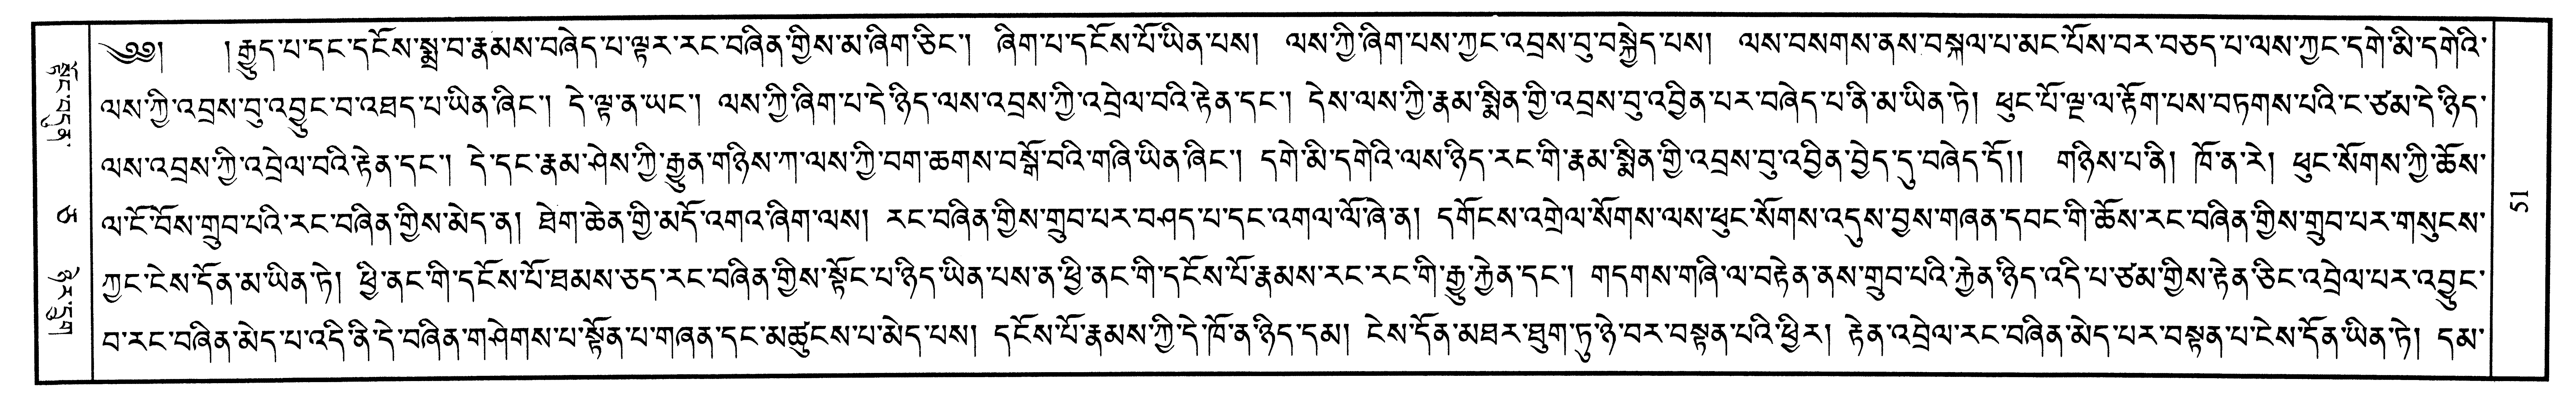༄༅། །རྒྱུད་པ་དང་དངོས་སྨྲ་བ་རྣམས་བཞེད་པ་ལྟར་རང་བཞིན་གྱིས་མ་ཞིག་ཅིང་། ཞིག་པ་དངོས་པོ་ཡིན་པས། ལས་ཀྱི་ཞིག་པས་ཀྱང་འབྲས་བུ་བསྐྱེད་པས། ལས་བསགས་ནས་བསྐལ་པ་མང་པོས་བར་བཅད་པ་ལས་ཀྱང་དགེ་མི་དགེའི་
ལས་ཀྱི་འབྲས་བུ་འབྱུང་བ་འཐད་པ་ཡིན་ཞིང་། དེ་ལྟ་ན་ཡང་། ལས་ཀྱི་ཞིག་པ་དེ་ཉིད་ལས་འབྲས་ཀྱི་འབྲེལ་བའི་རྟེན་དང་། དེས་ལས་ཀྱི་རྣམ་སྨིན་གྱི་འབྲས་བུ་འབྱིན་པར་བཞེད་པ་ནི་མ་ཡིན་ཏེ། ཕུང་པོ་ལྔ་ལ་རྟོག་པས་བཏགས་པའི་ང་ཙམ་དེ་ཉིད་
ལས་འབྲས་ཀྱི་འབྲེལ་བའི་རྟེན་དང་། དེ་དང་རྣམ་ཤེས་ཀྱི་རྒྱུན་གཉིས་ཀ་ལས་ཀྱི་བག་ཆགས་བསྒོ་བའི་གཞི་ཡིན་ཞིང་། དགེ་མི་དགེའི་ལས་ཉིད་རང་གི་རྣམ་སྨིན་གྱི་འབྲས་བུ་འབྱིན་བྱེད་དུ་བཞེད་དོ།། གཉིས་པ་ནི། ཁོ་ན་རེ། ཕུང་སོགས་ཀྱི་ཆོས་
ལ་ངོ་བོས་གྲུབ་པའི་རང་བཞིན་གྱིས་མེད་ན། ཐེག་ཆེན་གྱི་མདོ་འགའ་ཞིག་ལས། རང་བཞིན་གྱིས་གྲུབ་པར་བཤད་པ་དང་འགལ་ལོ་ཞེ་ན། དགོངས་འགྲེལ་སོགས་ལས་ཕུང་སོགས་འདུས་བྱས་གཞན་དབང་གི་ཆོས་རང་བཞིན་གྱིས་གྲུབ་པར་གསུངས་
ཀྱང་ངེས་དོན་མ་ཡིན་ཏེ། ཕྱི་ནང་གི་དངོས་པོ་ཐམས་ཅད་རང་བཞིན་གྱིས་སྟོང་པ་ཉིད་ཡིན་པས་ན་ཕྱི་ནང་གི་དངོས་པོ་རྣམས་རང་རང་གི་རྒྱུ་རྐྱེན་དང་། གདགས་གཞི་ལ་བརྟེན་ནས་གྲུབ་པའི་རྐྱེན་ཉིད་འདི་པ་ཙམ་གྱིས་རྟེན་ཅིང་འབྲེལ་པར་འབྱུང་
བ་རང་བཞིན་མེད་པ་འདི་ནི་དེ་བཞིན་གཤེགས་པ་སྟོན་པ་གཞན་དང་མཚུངས་པ་མེད་པས། དངོས་པོ་རྣམས་ཀྱི་དེ་ཁོ་ན་ཉིད་དམ། ངེས་དོན་མཐར་ཐུག་ཏུ་ཉེ་བར་བསྟན་པའི་ཕྱིར། རྟེན་འབྲེལ་རང་བཞིན་མེད་པར་བསྟན་པ་ངེས་དོན་ཡིན་ཏེ། དམ་